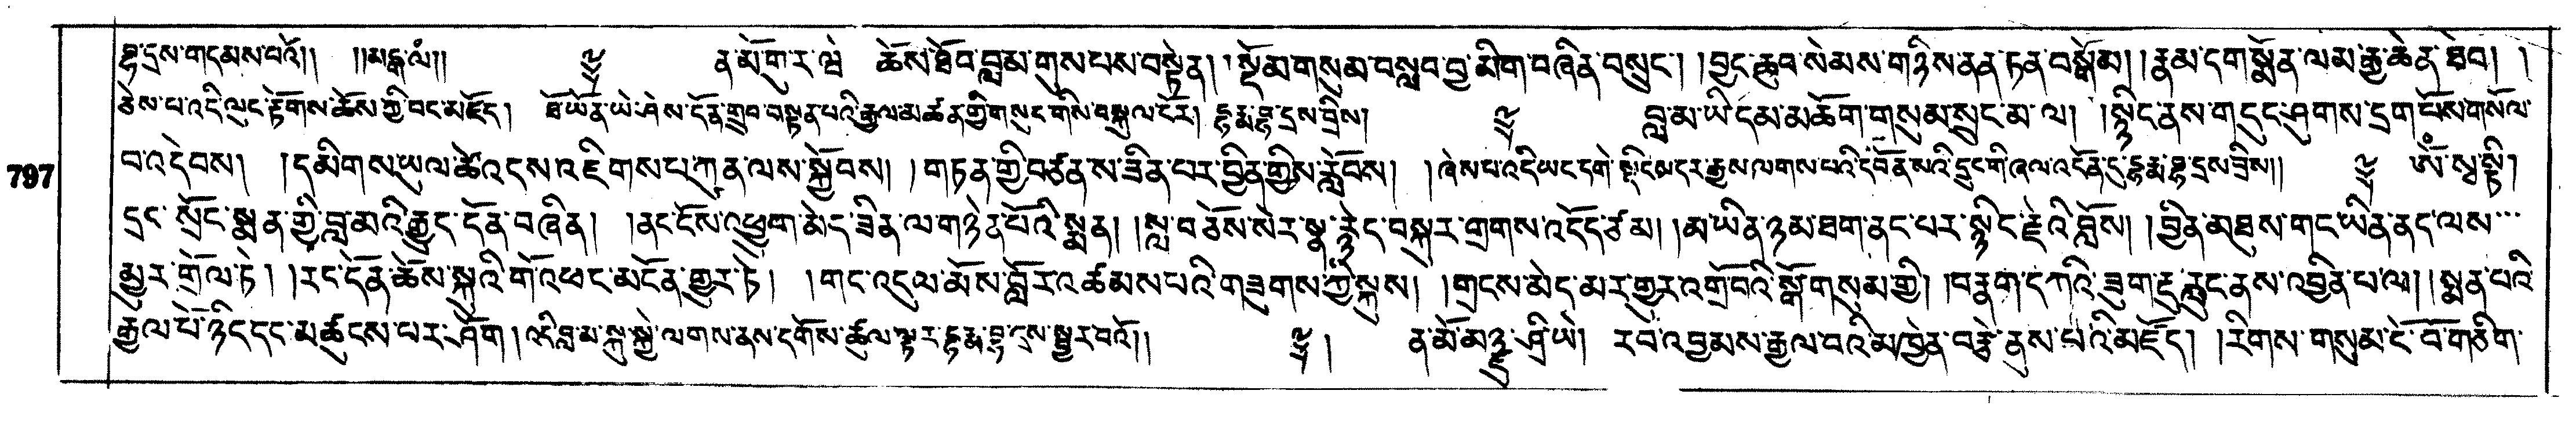བྷ་དྲས་གདམས་པའོ།། །།མངྒ་ལཾ།། ༈ ན་མོ་གུ་ར་ཝེ། ཆོས་ཐོབ་བླ་མ་གུས་པས་བསྟེན། །སྡོམ་གསུམ་བསླབ་བྱ་མིག་བཞིན་བསྲུང་། །བྱང་ཆུབ་སེམས་གཉིས་ནན་ཏན་བསྒོམ། །རྣམ་དག་སྨོན་ལམ་རྒྱ་ཆེན་ཐོབ།།
ཅེས་པ་འདི་ལུང་རྟོགས་ཆོས་ཀྱི་བང་མཛོད། ཐོ་ཡོན་ཡེ་ཤེས་དོན་གྲུབ་བསྟན་པའི་རྒྱལ་མཚན་གྱི་གསུང་གིས་བསྐུལ་ངོར། དྷརྨ་བྷ་དྲས་བྲིས།  ༈ བླ་མ་ཡི་དམ་མཆོག་གསུམ་སྲུང་མ་ལ། །སྙིང་ནས་གདུང་ཤུགས་དྲག་པོས་གསོལ་
བ་འདེབས། །དམིགས་ཡུལ་ཚེ་འདས་འཇིགས་པ་ཀུན་ལས་སྐྱོབས། །གཏན་གྱི་བཙན་ས་ཟིན་པར་བྱིན་གྱིས་རློབས། ། ཞེས་པ་འདི་ཡང་དགེ་སྡིངས་དར་རྒྱས་ལགས་པའི་དབོན་སའི་དྲུང་གི་ཞལ་འདོན་དུ་དྷརྨ་བྷ་དྲས་བྲིས།།  ༈ ཨོཾ་སྭ་སྟི།
དྲང་སྲོང་སྨན་གྱི་བླ་མའི་རྒྱུད་དོན་བཞིན། །ནང་ངོས་འཕྱུག་མེད་ཟིན་ལ་གཉེན་པོའི་སྨན། །སླ་བཅོས་སེར་སྣ་རྙེད་བསྐུར་གྲགས་འདོད་ཙམ། །མ་ཡིན་ཉམ་ཐག་ནང་པར་སྙིང་རྗེའི་བློས། །བྱིན་མཐུས་གང་ཡིན་ནད་ལས་
མྱུར་གྲོལ་ཏེ། །རང་དོན་ཆོས་སྐུའི་གོ་འཕང་མངོན་གྱུར་ཏེ། །གང་འདུལ་མོས་བློར་འཚམས་པའི་གཟུགས་ཀྱི་སྐུས། །གྲངས་མེད་མར་གྱུར་འགྲོ་བའི་སྒོ་གསུམ་གྱི། །བརྣག་དཀའི་ཟུག་རྡུ་རླུང་ནས་འབྱིན་པ་ལ། །སྨན་པའི་
རྒྱལ་པོ་ཉིད་དང་མཚུངས་པར་ཤོག ། འདི་བླ་མ་སྐུ་སྐྱེ་ལགས་ནས་དགོས་ཚུལ་ལྟར་དྷརྨ་བྷ་དྲས་སྦྱར་བའོ།།  ༈ །ན་མོ་མཉྫུ་ཤྲི་ཡེ། རབ་འབྱམས་རྒྱལ་བའི་མཁྱེན་བརྩེ་ནུས་པའི་མཛོད། །རིགས་གསུམ་ངོ་བོ་གཅིག་